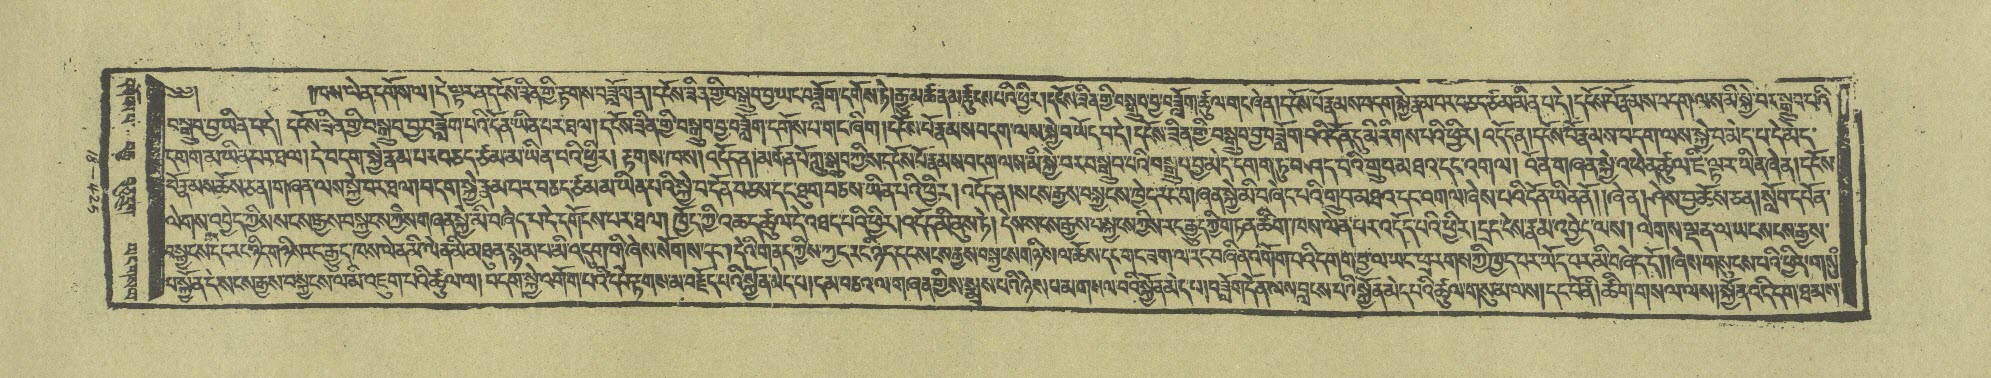༄༅། །ཁས་ལེན་དགོས་ལ། དེ་ལྟར་ན་དངོས་ཟིན་གྱི་རྟགས་བཟློག་ན། དངོས་ཟིན་གྱི་བསྒྲུབ་བྱ་ཡང་བཟློག་དགོས་ཏེ། རྒྱུ་མཚན་མཚུངས་པའི་ཕྱིར། དངོས་ཟིན་གྱི་བསྒྲུབ་བྱ་བཟློག་ཚུལ་གང་ཞེ་ན། དངོས་པོ་རྣམས་བདག་སྐྱེ་རྣམ་པར་བཅད་ཙམ་མིན་པ་དེ། དངོས་པོ་རྣམས་བདག་ལས་མི་སྐྱེ་བར་སྒྲུབ་པའི་
བསྒྲུབ་བྱ་ཡིན་པ་དེ། དངོས་ཟིན་གྱི་བསྒྲུབ་བྱ་བཟློག་པའི་དོན་ཡིན་པར་ཐལ། དངོས་ཟིན་གྱི་བསྒྲུབ་བྱ་བཟློག་དགོས་པ་གང་ཞིག །དངོས་པོ་རྣམས་བདག་ལས་སྐྱེ་བ་ཡོད་པ་དེ། དངོས་ཟིན་གྱི་བསྒྲུབ་བྱ་བཟློག་པའི་དོན་དུ་མི་རིགས་པའི་ཕྱིར། འདོད་ན། དངོས་པོ་རྣམས་བདག་ལས་སྐྱེ་བ་མེད་པ་དེ་མེད་
དགག་མ་ཡིན་པར་ཐལ། དེ་བདག་སྐྱེ་རྣམ་པར་བཅད་ཙམ་མ་ཡིན་པའི་ཕྱིར། རྟགས་ཁས། འདོད་ན། མགོན་པོ་ཀླུ་སྒྲུབ་ཀྱིས་དངོས་པོ་རྣམས་བདག་ལས་མི་སྐྱེ་བར་བསྒྲུབ་པའི་བསྒྲུབ་བྱ་མེད་དགག་ཏུ་བཤད་པའི་གྲུབ་མཐའ་དང་འགལ། འོ་ན་གཞན་སྐྱེ་འཕེན་ཚུལ་ཇི་ལྟར་ཡིན་ཞེ་ན། དངོས་
པོ་རྣམས་ཆོས་ཅན། གཞན་ལས་སྐྱེ་བར་ཐལ། བདག་སྐྱེ་རྣམ་པར་བཅད་ཙམ་མ་ཡིན་པའི་སྐྱེ་བ་དོན་བཅས་དང་ཐུག་བཅས་ཡིན་པའི་ཕྱིར། འདོད་ན། སངས་རྒྱས་བསྐྱངས་ཁྱེད་རང་གཞན་སྐྱེ་མི་བཞེད་པའི་གྲུབ་མཐའ་དང་འགལ་ཞེས་པའི་དོན་ཡིན་ནོ། །ཞེ་ན། ཤེས་བྱ་ཆོས་ཅན། སློབ་དཔོན་
ལེགས་འབྱེད་ཀྱིས་སངས་རྒྱས་བསྐྱངས་ཀྱིས་གཞན་སྐྱེ་མི་བཞེད་པ་དེ་དགོངས་པར་ཐལ། ཁྱོད་ཀྱི་འཆད་ཚུལ་དེ་འཐད་པའི་ཕྱིར། འདོད་མི་ནུས་ཏེ། དེས་སངས་རྒྱས་བསྐྱངས་ཀྱིས་རང་རྒྱུད་ཀྱི་གཏན་ཚིག་ཁས་ལེན་པར་འདོད་པའི་ཕྱིར། དྲང་ངེས་རྣམ་འབྱེད་ལས། ལེགས་ལྡན་ལ་ཡང་སངས་རྒྱས་
བསྐྱངས་དང་རང་ཉིད་གཉིས་རང་རྒྱུད་ཁས་ལེན་མི་ལེན་མི་མཐུན་སྙམ་པ་མི་འདུག་གི་ཞེས་སོགས་དང་། དེའི་གནད་ཀྱིས་ཀྱང་རང་ཉིད་དང་སངས་རྒྱས་བསྐྱངས་གཉིས་ལ་ཆོས་དང་གང་ཟག་ལ་རང་བཞིན་འགོག་པའི་དགག་བྱ་ལ་ཡང་ཕྲ་རགས་ཀྱི་ཁྱད་པར་ཡོད་པར་མི་བཞེད་དོ། །ཞེས་གསུངས་པའི་ཕྱིར། གསུམ་
པ་སྐྱོན་དེ་སངས་རྒྱས་བསྐྱངས་ལ་མི་འཇུག་པའི་ཚུལ་ལ། བདག་སྐྱེ་འགོག་པའི་དཔེ་རྟགས་མ་བརྗོད་པའི་སྐྱོན་མེད་པ། དམ་བཅའ་ལ་གཞན་གྱིས་སྨྲས་པའི་ཉེས་པ་མ་གསལ་བའི་སྐྱོན་མེད་པ། བཟློག་དོན་ཁས་བླངས་པའི་སྐྱོན་མེད་པའི་ཚུལ་གསུམ་ལས། དང་པོ་ནི། ཚིག་གསལ་ལས། སྐྱོན་འདི་དག་ཐམས་